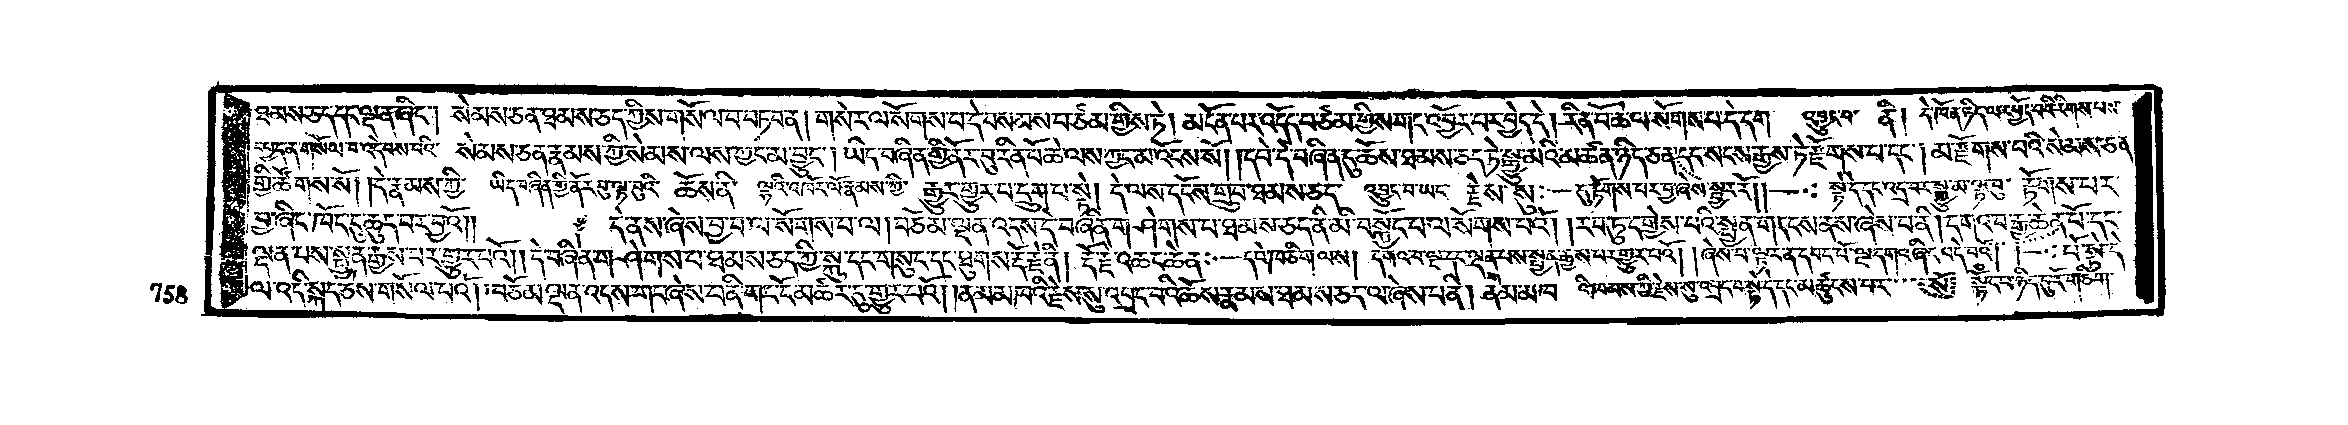ཐམས་ཅད་དང་ལྡན་ཞིང་། སེམས་ཅན་ཐམས་ཅད་ཀྱིས་གསོལ་བ་བཏབ་ན། གསེར་ལ་སོགས་པ་དེ་བསམས་པ་ཙམ་གྱིས་ཏེ། མངོན་པར་འདོད་པ་ཙམ་གྱིས་གང་འབྱོར་པར་བྱེད་དེ། རིན་པོ་ཆེ་ལ་སོགས་པ་དེ་དག་འབྱུང་བ་ནི། དེ་ཁོ་ན་ཉིད་ལ་དཔྱོད་པའི་རིགས་པས་
དཔྱད་ན་གསོལ་བ་འདེབས་པའི་སེམས་ཅན་རྣམས་ཀྱི་སེམས་ལས་ཀྱང་མ་བྱུང་། ཡིད་བཞིན་གྱི་ནོར་བུ་རིན་པོ་ཆེ་ལས་ཀྱང་མ་འོངས་སོ། །དཔེ་དེ་བཞིན་དུ་ཆོས་ཐམས་ཅད་ཏེ་སྒྱུ་མའི་མཚན་ཉིད་ཅན་དང་སངས་རྒྱས་ཏེ་རྫོགས་པ་དང་། མ་རྫོགས་པའི་སེམས་ཅན་
གྱི་ཚོགས་སོ། །དེ་རྣམས་ཀྱི་ཡིད་བཞིན་གྱི་ནོར་བུ་ལྟ་བུའི་ཆོས་ནི་ལྷའི་འཁོར་ལོ་རྣམས་ཀྱི་རྒྱུར་གྱུར་པ་དྲུག་པ་སྟེ། དེ་ལས་དངོས་གྲུབ་ཐམས་ཅད་འབྱུང་བ་ཡང་རྗེས་སུ་H.་དུ་རྟོགས་པར་བྱ་ཞེས་སྦྱར་རོ།། .H སྟེ་དེ་དང་འདྲ་བར་སྒྱུ་མ་ལྟ་བུ་རྟོགས་པར་
བྱ་ཞིང་ཁོང་དུ་ཆུད་པར་བྱའོ།། ༈ དེ་ནས་ཞེས་བྱ་བ་ལ་སོགས་པ་ལ། བཅོམ་ལྡན་འདས་དེ་བཞིན་གཤེགས་པ་ཐམས་ཅད་ནི་མི་བསྐྱོང་པ་ལ་སོགས་པའོ། །རབ་ཏུ་དགྱེས་པའི་སྤྱན་གདངས་ནས་ཞེས་པ་ནི། དགའ་བ་རྒྱ་ཆེན་པོ་དང་
ལྡན་པས་སྤྱན་རྒྱས་པར་གྱུར་པའོ། །དེ་བཞིན་གཤེགས་པ་ཐམས་ཅད་ཀྱི་སྐུ་དང་གསུང་དང་ཐུགས་རྡོ་རྗེ་ནི། རྡོ་རྗེ་འཆང་ཆེན་H.་དཔེ་ཁ་ཅིག་ལས། དགའ་བ་ལྔ་དང་ལྡན་པས་སྤྱན་རྒྱས་པར་གྱུར་པའོ། །ཞེས་པ་ལྟར་ན་དབང་པོ་ལྔ་དགའ་ཞིང་བདེ་བའོ། །.H པོ་སྟེ་དེ་
ལ་འདི་སྐད་ཅེས་གསོལ་བའོ། །བཅོམ་ལྡན་འདས་གང་ཞེས་པ་ནི་གང་ངོ་མཚར་དུ་གྱུར་པའོ། །ནམ་མཁའི་རྗེས་སུ་འབྲང་བའི་ཆོས་རྣམས་ཐམས་ཅད་ལ་ཞེས་པ་ནི། ནམ་མཁའི་ཁམས་ཀྱི་རྗེས་སུ་འབྲང་བ་སྟེ་དེ་དང་མཚུངས་པར་ས་སྟོང་པ་ཉིད་དུ་རོ་གཅིག